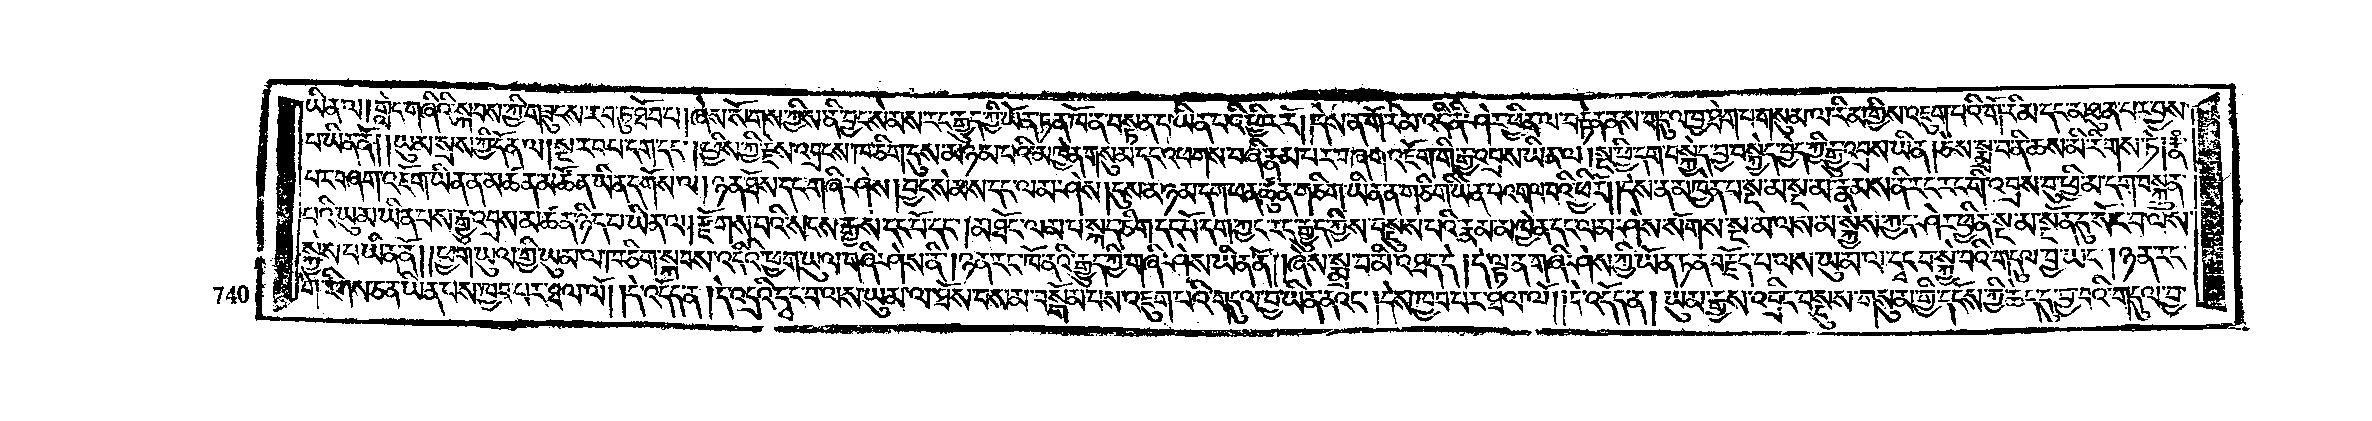ཡིན་ལ། གླེང་གཞིའི་སྐབས་ཀྱི་གཟུངས་རབ་ཏུ་ཐོབ་པ། ཞེས་སོགས་ཀྱིས་ནི་བྱང་སེམས་རང་རྒྱུད་ཀྱི་ཡོན་ཏན་ཁོ་ན་བསྟན་པ་ཡིན་པའི་ཕྱིར་རོ། །དེས་ན་གོ་རིམ་འདི་ནི་ཤེར་ཕྱིན་ལ་བརྟེན་ནས་གདུལ་བྱ་ཐེག་པ་གསུམ་ལ་རིམ་གྱིས་འཇུག་པའི་གོ་རིམ་དང་མཐུན་པར་བྱས་
པ་ཡིན་ནོ། །ཡུམ་སྲས་ཀྱི་དོན་ལ། སྔ་རབ་པ་དག་དང་། ཕྱིས་ཀྱི་རྗེས་འབྲངས་ཁ་ཅིག་དུས་མཉམ་པའི་མཁྱེན་གསུམ་དང་འཕགས་བཞི་རྣམ་པར་བཞག་འཇོག་གི་རྒྱ་འབྲས་ཡིན་ལ། སྔ་ཕྱི་དག་བསྐྱེད་བྱ་བསྐྱེད་བྱེད་ཀྱི་རྒྱུ་འབྲས་ཡིན། ཅེས་སྨྲ་བ་ནི་ཆས་མི་རིགས་ཏེ། རྣམ་
པར་བཞག་འཇོག་ཡིན་ན་མཚན་མཚོན་ཡིན་དགོས་ལ། ཉན་ཐོས་དང་གཞི་ཤེས། བྱང་སེམས་དང་ལམ་ཤེས། དུས་མཉམས་དག་ཕན་ཚུན་གཅིག་ཡིན་ན་གཅིག་ཡིན་པ་འགལ་བའི་ཕྱིར་རོ། །དེས་ན་མཁྱེན་པ་སྔ་མ་སྔ་མ་རྣམས་ནི་རང་རང་གི་འབྲས་བུ་ཕྱི་མ་དག་བསྐྲུན་
པའི་ཡུམ་ཡིན་པས་རྒྱུ་འབྲས་མཚན་ཉིད་པ་ཡིན་ལ། རྫོགས་པའི་སངས་རྒྱས་དང་པོ་དང་། མཐོང་ལམ་པ་སྐད་ཅིག་དང་པོ་དག་ཀྱང་རང་རྒྱུད་ཀྱིས་བསྡུད་པའི་རྣམ་མཁྱེན་དང་ལམ་ཤེས་སོགས་སྔ་མ་ལས་མ་སྐྱེས་ཀྱང་ཤེར་ཕྱིན་སྔ་མ་སྔོན་དུ་སོང་བ་ལས་
སྐྱེས་པ་ཡིན་ནོ། །ཕྱག་ཡུལ་གྱི་ཡུམ་ལ་ཁ་ཅིག་སྐབས་འདིའི་ཕྱག་ཡུལ་གཞི་ཤེས་ནི། ཉན་རང་ཁོ་ནའི་རྒྱུད་ཀྱི་གཞི་ཤེས་ཡིན་ནོ། །ཞེས་སྨྲ་བ་མི་འཐད་དེ། དེ་ལྟ་ན་གཞི་ཤེས་ཀྱི་ཡོན་ཏན་བརྗོད་པ་ལས་ཡུམ་ལ་དྭང་བ་སྐྱེ་བའི་གདུལ་བྱ་ཡང་། ཉན་རང་
གི་རིགས་ཅན་ཡིན་པས་ཁྱབ་པར་ཐལ་ལོ། །དེ་འདོད་ན། དེ་འདྲའི་དྭང་བ་ལས་ཡུམ་ལ་ཐོས་བསམ་བསྒོམ་པས་འཇུག་པའི་གདུལ་བྱ་ཡིན་ནའང་། དེས་ཁྱབ་པར་ཐལ་ལོ། །དེ་འདོད་ན། ཡུམ་རྒྱས་འབྲིང་བསྡུས་གསུམ་གྱི་དངོས་ཀྱི་ཆེད་དུ་བྱ་བའི་གདུལ་བྱ་